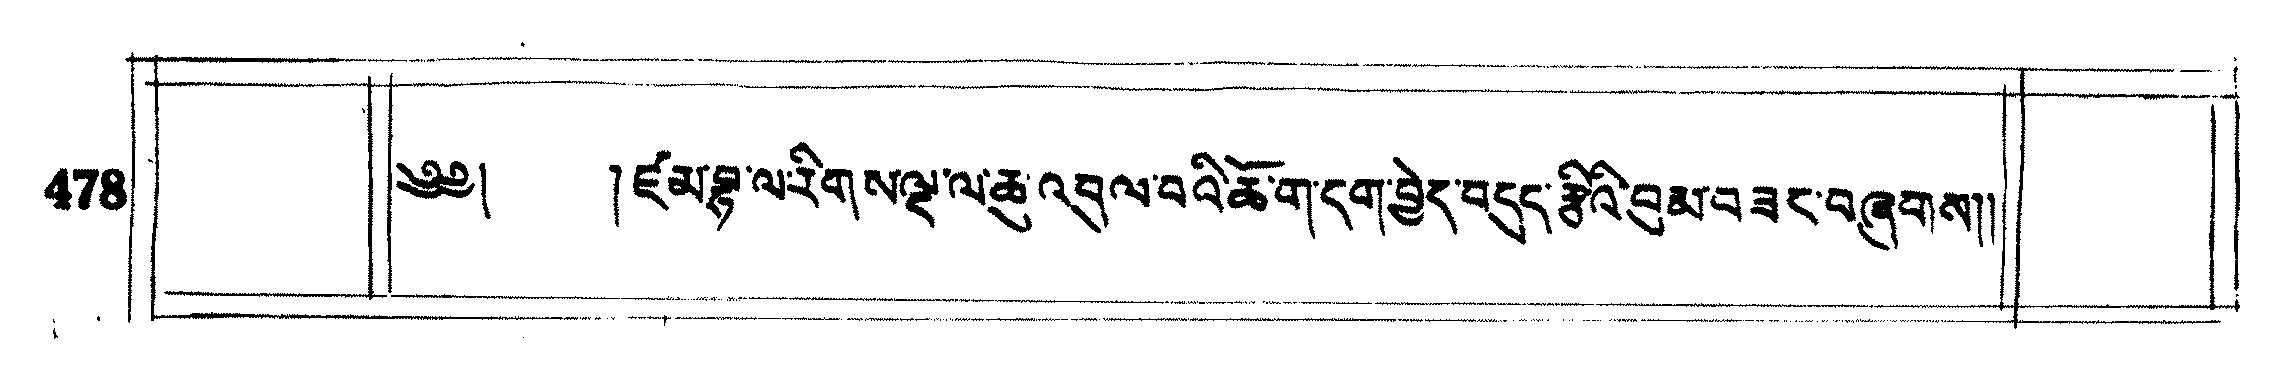༄༅། །ཛམ་བྷ་ལ་རིགས་ལྔ་ལ་ཆུ་འབུལ་བའི་ཆོ་ག་དག་བྱེད་བདུད་རྩིའི་བུམ་བཟང་བཞུགས། །